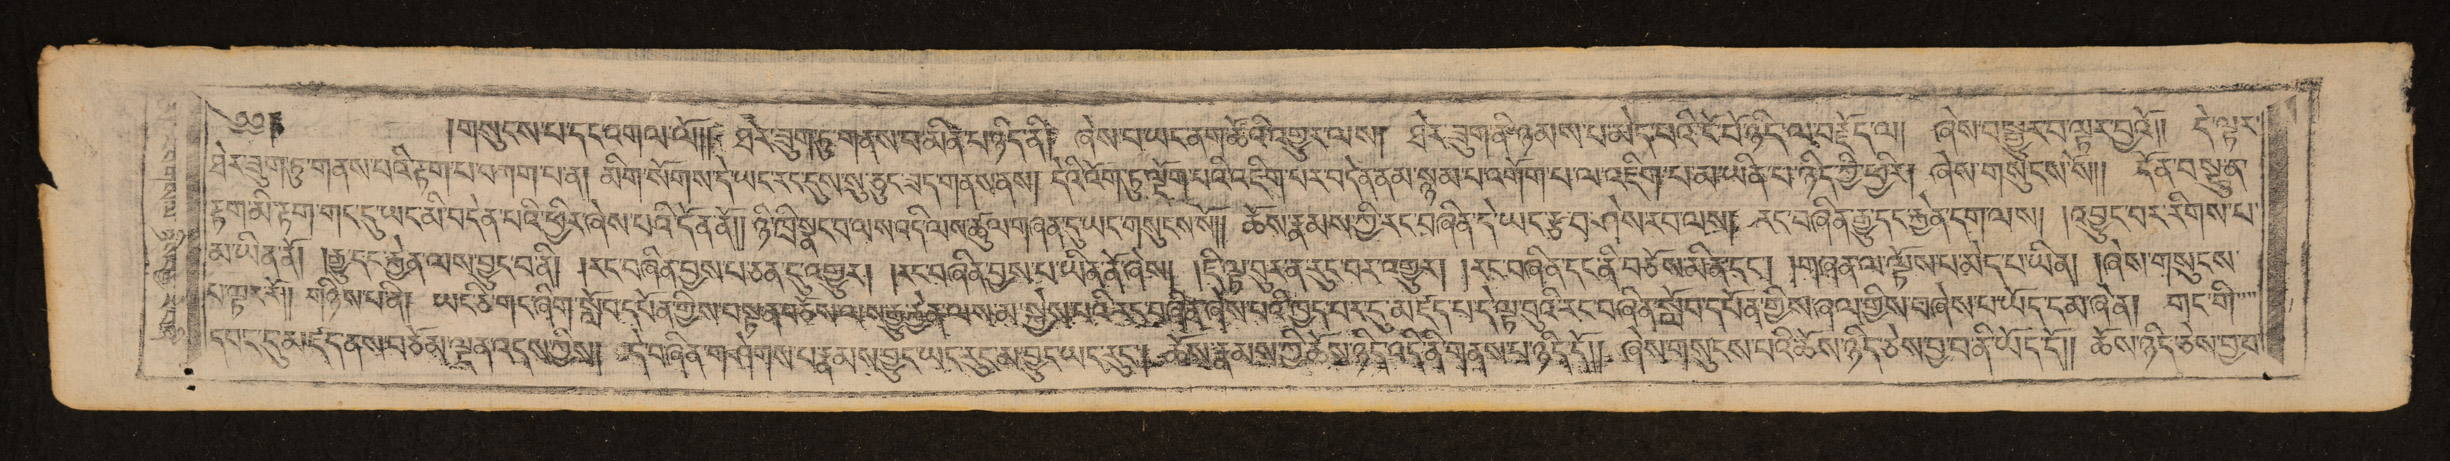༄༅། །གསུངས་པ་དང་འགལ་ལོ།། ཐེར་ཟུག་ཏུ་གནས་པ་མིན་པ་ཉིད་ནི། ཞེས་པ་ཡང་ནག་ཚོའི་འགྱུར་ལས། ཐེར་ཟུག་ནི་ཉམས་པ་མེད་པའི་ངོ་བོ་ཉིད་ལ་བརྗོད་ལ། ཞེས་བསྒྱུར་བ་ལྟར་བྱའོ། དེ་ལྟར་
ཐེར་ཟུག་ཏུ་གནས་པའི་རྟག་པ་བཀག་པ་ན། མིག་སོགས་དེ་ཡང་རང་དུས་སུ་ཅུང་ཟད་གནས་ནས། དེའི་འོག་ཏུ་ལྡོག་པའི་འཇིག་པར་བདེན་ནམ་སྙམ་པ་འགོག་པ་ལ་འཇིག་པ་མ་ཡིན་པ་ཉིད་ཀྱི་ཕྱིར། ཞེས་གསུངས་སོ།། དོན་བསྡུ་ན་
རྟག་མི་རྟག་གང་དུ་ཡང་མི་བདེན་པའི་ཕྱིར་ཞེས་པའི་དོན་ཏོ།། ཉི་ཁྲི་སྣང་བ་ལས་འདི་ལས་ཚུལ་གཞན་དུ་ཡང་གསུངས་སོ།། ཆོས་རྣམས་ཀྱི་རང་བཞིན་དེ་ཡང་རྩ་བ་ཤེས་རབ་ལས། རང་བཞིན་རྒྱུ་དང་རྐྱེན་དག་ལས། །འབྱུང་བར་རིགས་པ་
མ་ཡིན་ནོ། །རྒྱུ་དང་རྐྱེན་ལས་བྱུང་བ་ནི། །རང་བཞིན་བྱས་པ་ཅན་དུ་འགྱུར། །རང་བཞིན་བྱས་པ་ཡིན་ནོ་ཞེས། །ཇི་ལྟ་བུར་ན་རུང་བར་འགྱུར། །རང་བཞིན་དང་ནི་བཅོས་མིན་དང་། །གཞན་ལ་ལྟོས་པ་མེད་པ་ཡིན། །ཞེས་གསུངས་
པ་ལྟར་རོ།། གཉིས་པ་ནི། ཡང་ཅི་གང་ཞིག་སློབ་དཔོན་གྱིས་བསྟན་བཅོས་ལས་རྒྱུ་རྐྱེན་ལས་མ་སྐྱེས་པའི་རང་བཞིན་ཞེས་པའི་ཁྱད་པར་དུ་མཛད་པ་དེ་ལྟ་བུའི་རང་བཞིན་སློབ་དཔོན་གྱིས་ཞལ་གྱིས་བཞེས་པ་ཡོད་དམ་ཞེ་ན། གང་གི་
དབང་དུ་མཛད་ནས་བཅོམ་ལྡན་འདས་ཀྱིས། དེ་བཞིན་གཤེགས་པ་རྣམས་བྱུང་ཡང་རུང་མ་བྱུང་ཡང་རུང་། ཆོས་རྣམས་ཀྱི་ཆོས་ཉིད་འདི་ནི་གནས་པ་ཉིད་དོ།། ཞེས་གསུངས་པའི་ཆོས་ཉིད་ཅེས་བྱ་བ་ནི་ཡོད་དོ།། ཆོས་ཉིད་ཅེས་བྱ་བ་